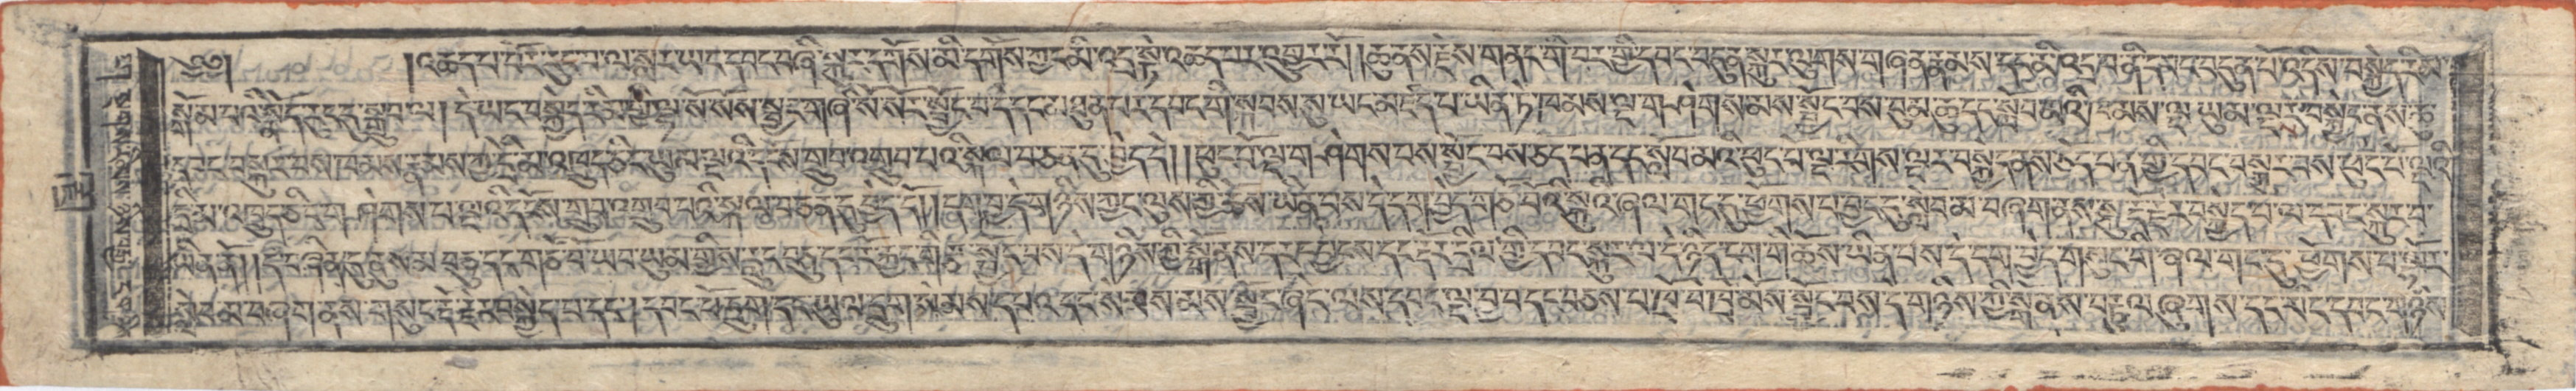༄༅། །འཆད་པ་པོར་རུང་བ་ལ་སླར་ཡང་དབང་བཞི་སྐུར་དགོས་མི་དགོས་ཀྱང་མི་འདྲ་སྟེ་འཆད་པར་འགྱུར་རོ། །ཆུ་ནས་རྗེས་གནང་གི་བར་གྱི་དབང་བདུན་སྐུར་ལུགས་གཞན་རྣམས་དང་མི་འདྲ་བ་ནི་དབང་བདུན་པོ་འདིས་བསྐྱེད་རིམ་
སྒོམ་པའི་སྣོད་རུང་དུ་སྒྲུབ་ལ། དེ་ཡང་བསྐྱེད་རིམ་གྱི་ལྷ་སོ་སོས་སྦྱར་གཞི་སོ་སོར་སྦྱོང་བ་དེ་དང་མཐུན་པར་དབང་གི་སྐབས་སུ་ཡང་མཛད་པ་ཡིན་ཏེ་ཁམས་ལྔ་གཤེགས་མས་སྦྱོང་བས་བུམ་ཆུ་དང་སློབ་མའི་ཁམས་ལྔ་ཡུམ་ལྔར་བསྐྱེད་ནས་ཆུ་
དབང་བསྐུར་བས་ཁམས་རྣམས་ཀྱི་དྲི་མ་འཁྲུད་ཅིང་ཡུམ་ལྔའི་དངོས་གྲུབ་འགྲུབ་པའི་སྐལ་བ་ཅན་དུ་བྱེད་དེ། །ཕུང་པོ་ལྔ་གཤེགས་པས་སྦྱོང་བས་ཅོད་པན་དང་སློབ་མའི་ཕུང་པོ་ལྔ་རིགས་ལྔར་བསྐྱེད་ནས་ཅོད་པན་གྱི་དབང་བསྐུར་བས་ཕུང་པོ་ལྔའི་
དྲི་མ་འཁྲུད་ཅིང་གཤེགས་པ་ལྔའི་དངོས་གྲུབ་འགྲུབ་པའི་སྐལ་བ་ཅན་དུ་བྱེད་དོ། །དག་བྱ་དེ་གཉིས་ཀྱང་ལུས་ཀྱི་ཆོས་ཡིན་པས་དེ་དག་བྱེད་གཙོ་བོའི་སྐུའི་ཞལ་གང་དུ་ཕྱོགས་པ་བྱང་དུ་སློབ་མ་བཞག་ནས་སྐུ་རྡོ་རྗེར་བསྐྱེད་པ་ལ་དབང་སྐུར་བ་
ཡིན་ནོ། །དེ་བཞིན་དུ་ནུས་མ་བཅུ་དང་གཙོ་བོ་ཡབ་ཡུམ་གྱིས་རླུང་བཅུ་དང་རོ་རྐྱང་གི་རྩ་སྤྱོང་བས་དེ་གཉིས་ཀྱི་སྒོ་ནས་དར་དཔྱངས་དང་རྡོར་དྲིལ་གྱི་དབང་སྐུར་ལ་དེ་ཉིད་ངག་གི་ཆོས་ཡིན་པས་དེ་དག་བྱེད་གསུང་གི་ཞལ་གང་དུ་ཕྱོགས་པ་ལྷོར་
སློབ་མ་བཞག་ནས་གསུང་རྡོ་རྗེར་བསྐྱེད་པ་དང་། དབང་པོ་དྲུག་དང་ཡུལ་དྲུག་སེམས་དཔའ་དང་སེམས་མས་སྦྱོང་ཞིང་ལས་དབང་ལྔ་བྱ་བ་དང་བཅས་པ་ཁྲོ་བོ་ཁྲོ་མོས་སྦྱོང་བས་དེ་གཉིས་ཀྱི་སྒོ་ནས་བརྟུལ་ཞུགས་དང་མིང་དབང་གཉིས་